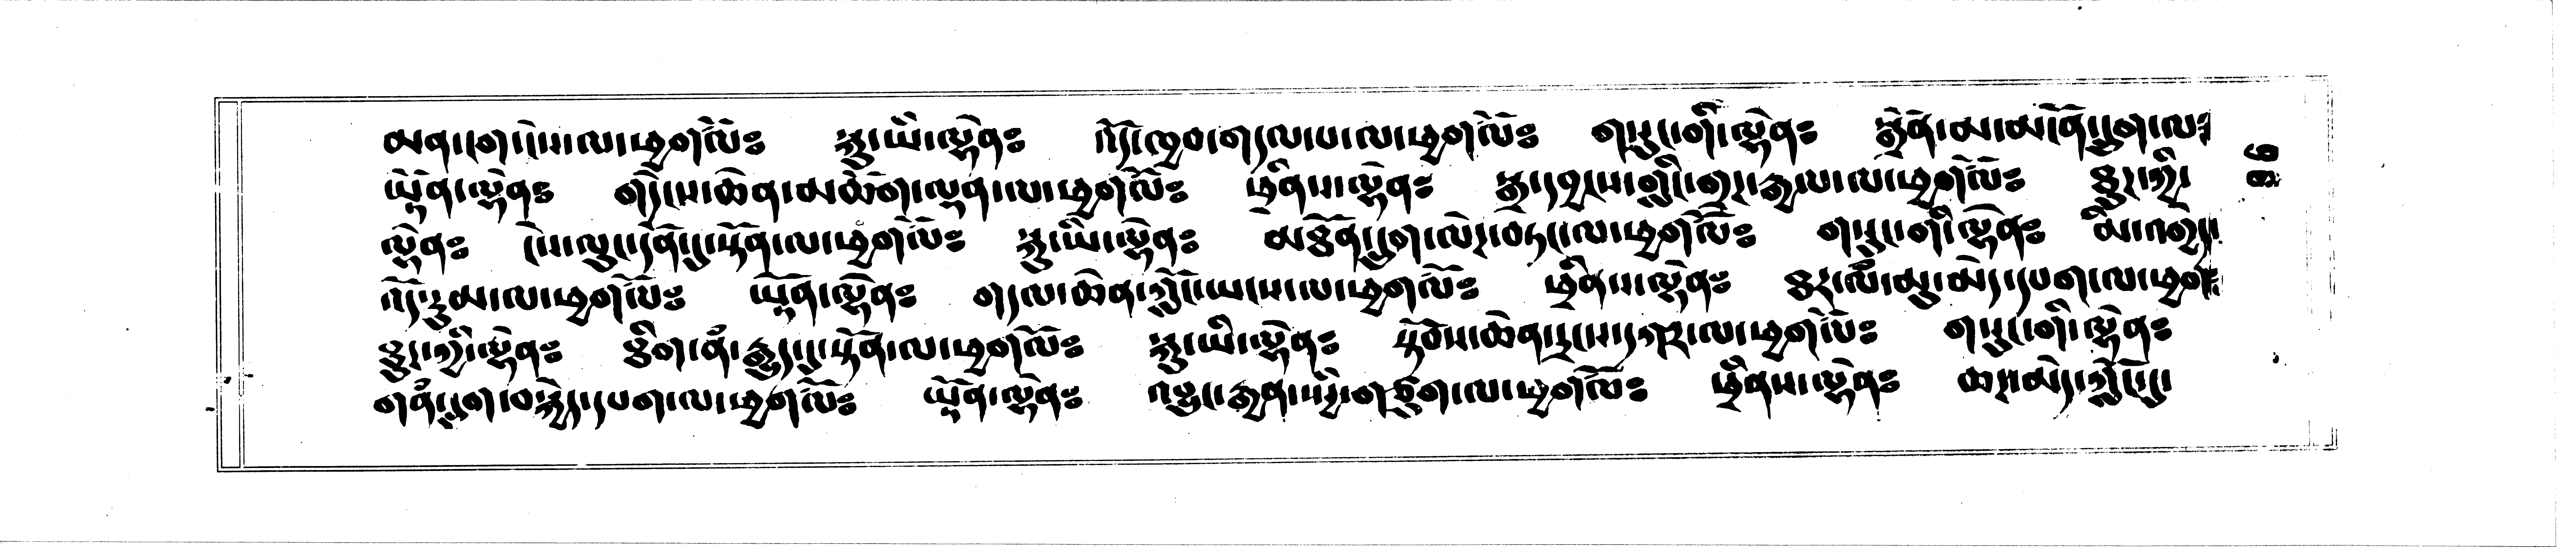མན་ངག་ངེས་ལ་ཕྱག་འཚལ་ལོཿ སྐུ་ཡི་ལྷ་ཆེནཿ འོད་ཁྱབ་བདལ་པ་ལ་ཕྱག་འཚལ་ལོཿ གསུང་གི་ལྷ་ཆེནཿ སྒྲོན་མ་མངོན་དྲུག་ལ་ཕྱག་འཚལ་ལོཿ 
ཡོན་ཏན་གྱི་ལྷ་ཆེནཿ གདེང་ཆེན་མཆོག་ལྡན་ཕྱག་འཚལ་ལོཿ ཕྲིན་ལས་ཀྱི་ལྷ་ཆེནཿ སྒྲ་དབྱངས་ཀྱི་གླིང་གྲགས་རྒྱལ་ལ་ཕྱག་འཚལ་ལོཿ ཐུགས་ཀྱི་
ལྷ་ཆེནཿ ངེས་ལུང་དོན་དུ་སྟོན་ལ་ཕྱག་འཚལ་ལོཿ སྐུ་ཡི་ལྷ་ཆེནཿ མཐོང་དྲུག་ལེགས་བཏང་ལ་ཕྱག་འཚལ་ལོཿ གསུང་གི་ལྷ་ཆེནཿ མི་འབྱེད་
འོད་རུམ་ལ་ཕྱག་འཚལ་ལོཿ ཡོན་ཏན་གྱི་ལྷ་ཆེནཿ བདལ་ཆེན་ཀློང་ཡངས་ལ་ཕྱག་འཚལ་ལོཿ ཕྲིན་ལས་ཀྱི་ལྷ་ཆེནཿ ཐར་ལམ་མུ་མེད་དཔག་ལ་ཕྱག་
འཚལ་ལོཿ ཐུགས་ཀྱི་ལྷ་ཆེནཿ ཐིག་ནམ་རྒྱུད་དུ་སྟོན་ལ་ཕྱག་འཚལ་ལོཿ སྐུ་ཡི་ལྷ་ཆེནཿ སྟོབས་ཆེན་དྲང་དཀར་ལ་ཕྱག་འཚལ་ལོཿ གསུང་གི་ལྷ་
ཆེནཿ གནམ་དྲུག་སྐྱེད་དཔལ་ལ་ཕྱག་འཚལ་ལོཿ ཡོན་ཏན་གྱི་ལྷ་ཆེནཿ འབྱུང་རྒྱན་སྤྱི་གཙུག་ལ་ཕྱག་འཚལ་ལོཿ ཕྲིན་ལས་ཀྱི་ལྷ་ཆེནཿ ཆགས་མེད་ཀློང་དུ་